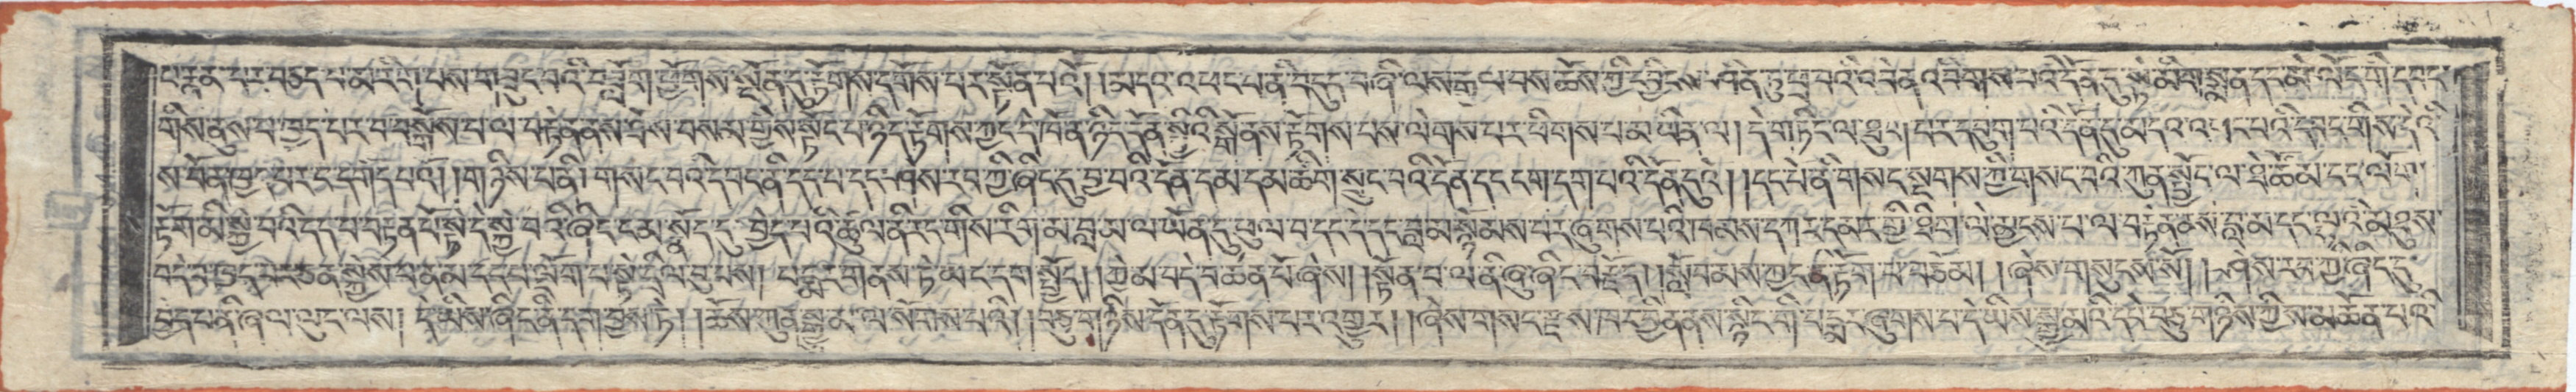པ་རྣམ་པར་བཅད་པ་མ་རིག་པས་གཟུང་བའི་བཟློག་ཕྱོགས་སྔོན་དུ་རྟོགས་དགོས་པར་སྟོན་པའོ། །མདའ་འཕང་པ་ནི་བདུད་བཞི་ལས་རྒྱལ་བས་ཆོས་ཀྱི་དབྱིངས་ཤིན་ཏུ་ཕྲ་བའི་འབེན་འབིགས་པའི་དོན་དུ་སྟེ་མིག་སྨན་དང་མེ་ལོང་གི་དབང་
གིས་ནུས་པ་ཁྱད་པར་བ་བསྒོས་པ་ལ་བརྟེན་ནས་ཐོས་བསམ་གྱིས་སྟོང་པ་ཉིད་རྟོགས་ཀྱང་དེ་ཁོ་ན་ཉིད་དོན་སྤྱིའི་སྒོ་ནས་རྟོགས་པས་ལེགས་པར་ཕིགས་པ་མ་ཡིན་ལ། དེ་གཏིང་ལ་ཐུག་པར་དབུག་པའི་དོན་དུ་མདའ་འཕང་པའི་དབང་གིས་དེའི་
ས་བོན་ཁྱད་པར་བ་དགོད་པའོ། །གཉིས་པ་ནི། གསང་བའི་དབང་ནི་དད་པ་དང་ཤེས་རབ་ཀྱི་ཞིང་དུ་བྱ་བའི་དོན་དམ་དམ་ཚིག་སྲུང་བའི་དོན་དང་ངག་དག་པའི་དོན་དུའོ། །དང་པོ་ནི་གསང་སྔགས་ཀྱི་གསང་བའི་ཀུན་སྤྱོད་ལ་ཐེ་ཚོམ་དང་ལོག་
རྟོག་མི་སྐྱེ་བའི་དད་པ་བརྟན་པོ་སྟེ་དེ་སྐྱེ་བའི་ཞིང་ངམ་སྣོད་དུ་བྱེད་པའི་ཚུལ་ནི་རང་གིས་རིག་མ་བླ་མ་ལ་ཡོན་དུ་ཕུལ་བ་དང་དེ་དང་བླ་མ་སྙོམས་པར་ཞུགས་པའི་ཁམས་དཀར་དམར་གྱི་ཐིག་ལེ་མྱངས་པ་ལ་བརྟེན་ནས་བླ་མ་དང་ལྷའི་མཐུས་
བདེ་བ་ཁྱད་པར་ཅན་སྐྱེས་པ་ན་མ་དང་པོ་ལྡོག་པ་སྟེ་དྲིལ་བུ་པས། པདམར་གནས་ཏེ་ཡང་དག་སྤྱོད། །ཀྱེ་མ་བདེ་བ་ཆེན་པོ་ཞེས། །སྟོན་པ་ལ་ནི་ཞུ་ཞིང་བརྗོད། །སློབ་མས་ཀྱང་ནི་རྟོག་པ་བཅོམ། །ཞེས་གསུངས་སོ། །ཤེས་རབ་ཀྱི་ཞིང་དུ་
བྱེད་པ་ནི་ཞལ་ལུང་ལས། དེ་ཡིས་ཞིང་ནི་དག་བྱས་ཏེ། །ཆོས་ཀུན་སྒྱུ་མ་ལ་སོགས་པའི། །བཅུ་གཉིས་དོན་དུ་རྟོགས་པར་འགྱུར། །ཞེས་གསང་རྫས་ཁར་བྱིན་ནས་སྙིང་གི་པདམར་ཞུགས་པ་དེ་ཡིས་སྒྱུ་མའི་དཔེ་བཅུ་གཉིས་ཀྱིས་མཚོན་པའི་